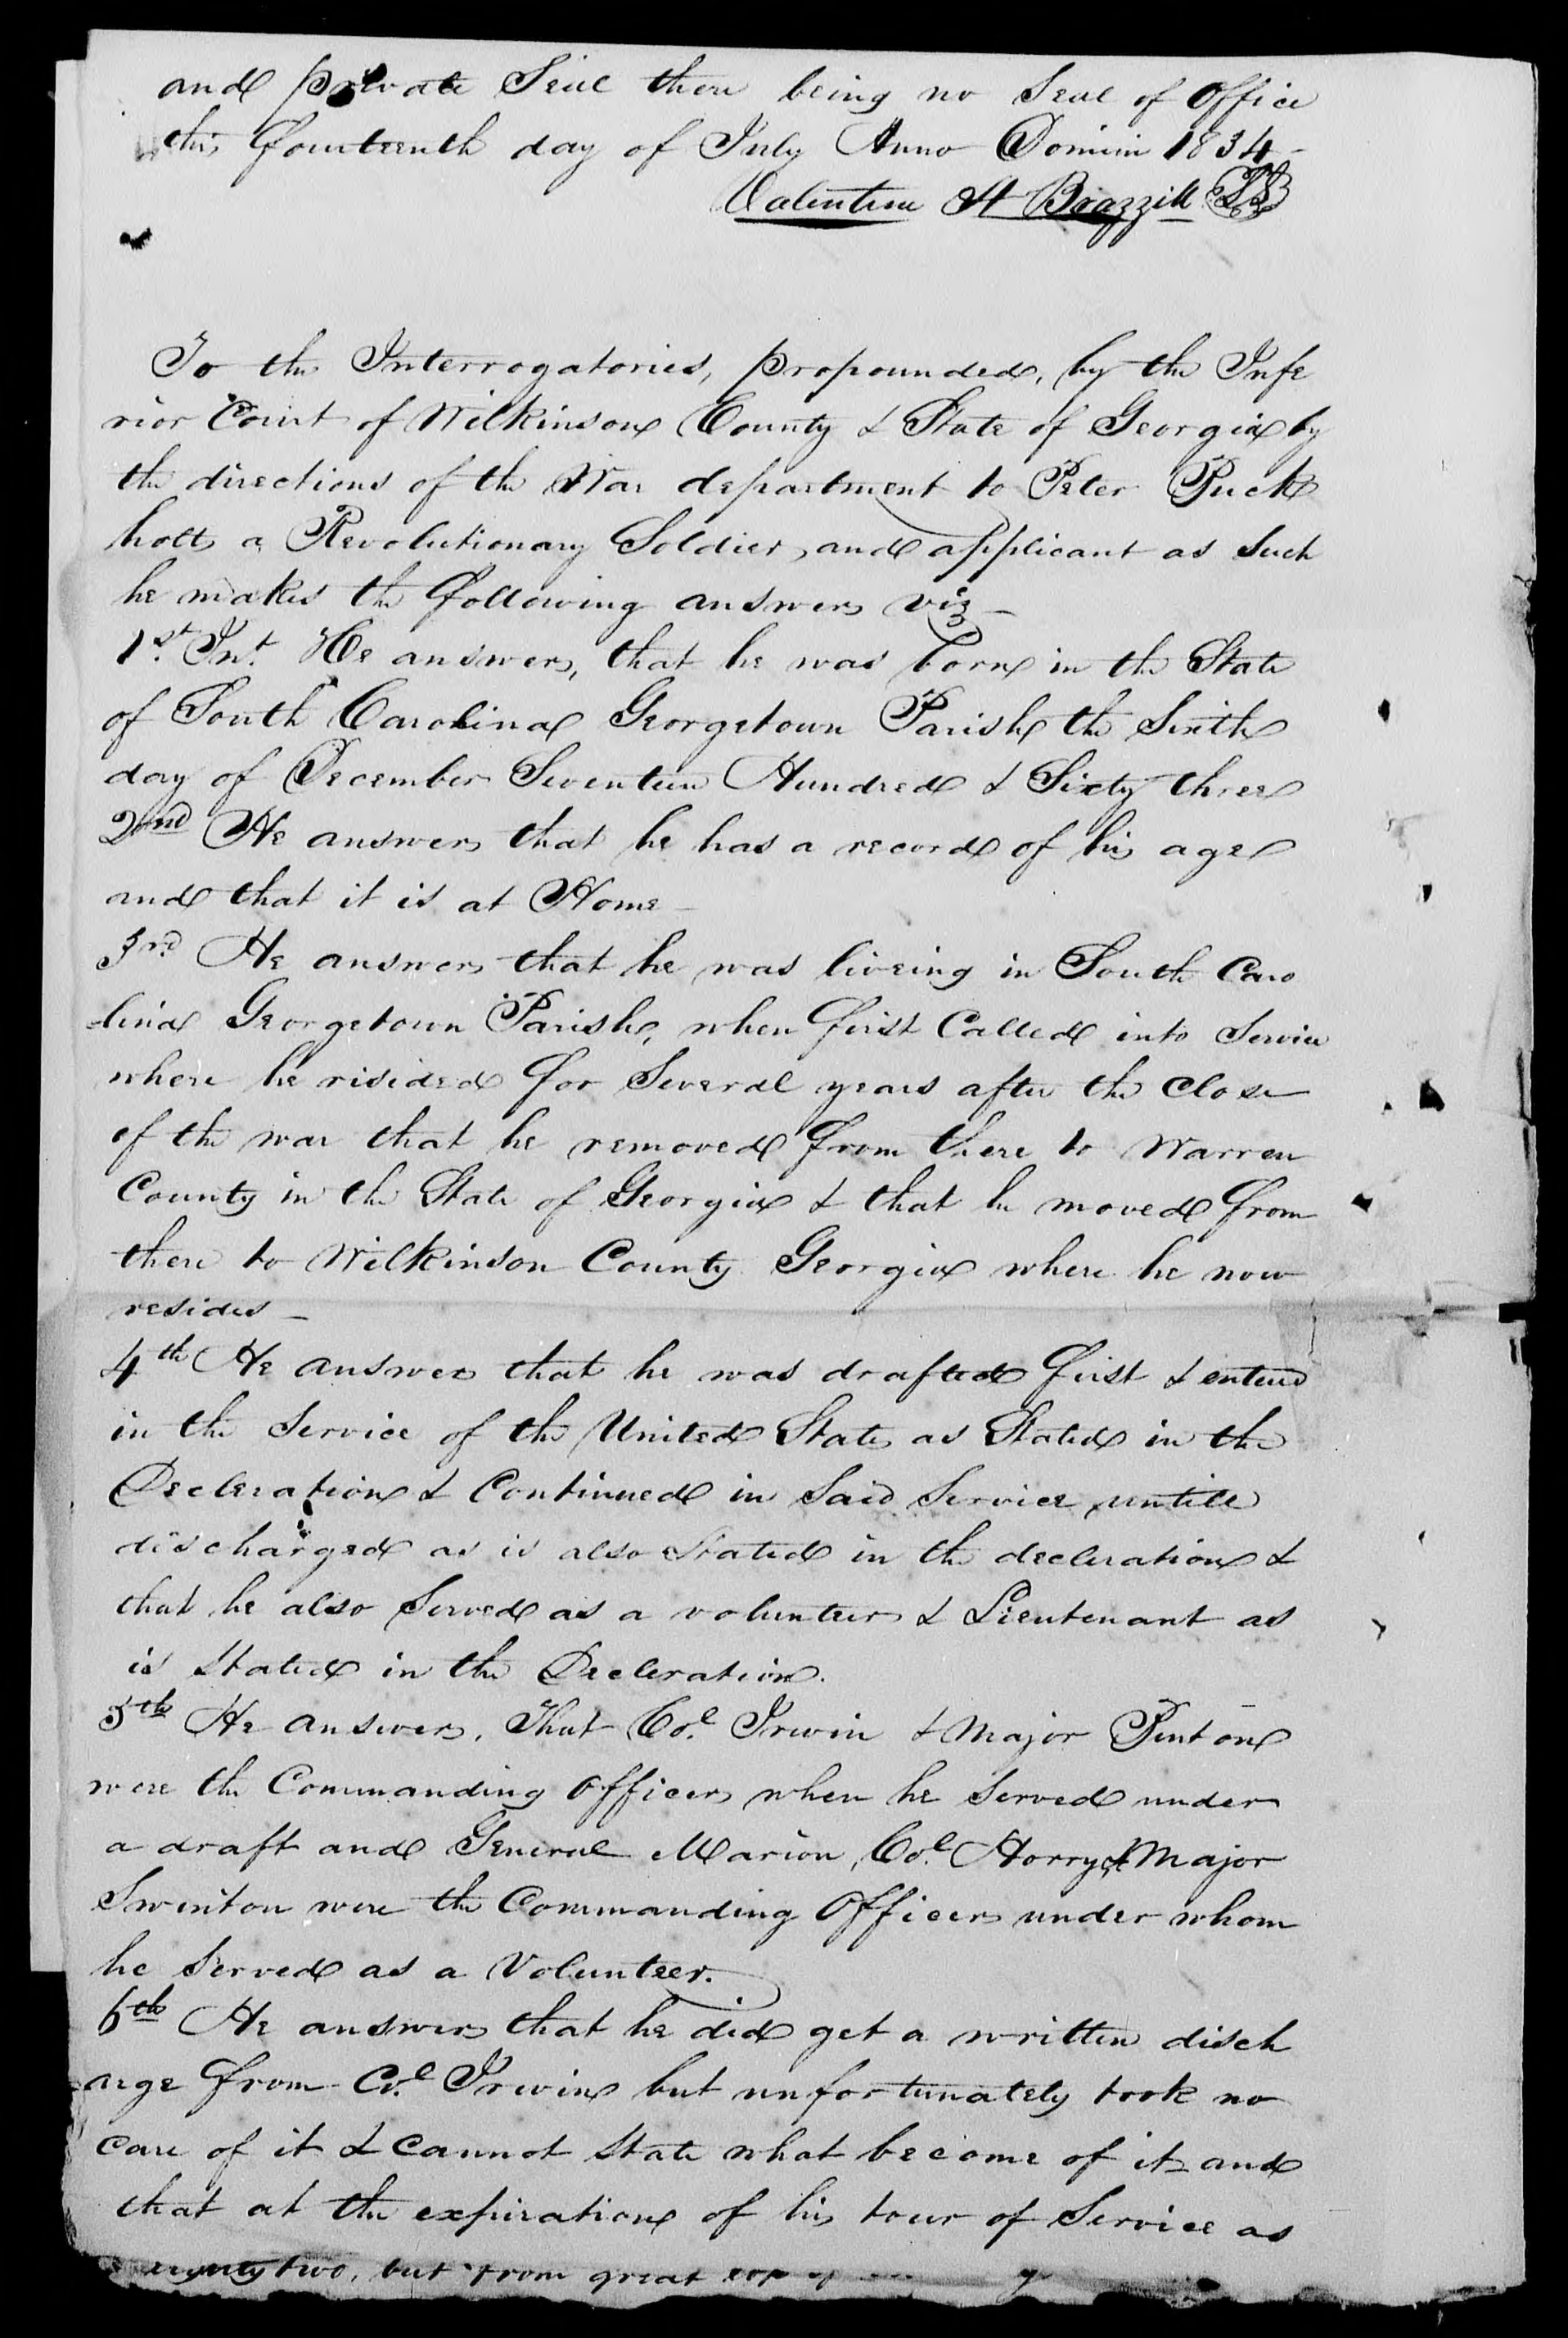and private Seal there being no Seal of Office this fourteenth day of July Anno Domini 1834
Valentine H Brazzill {SS}

To the Interrogatories propounded, by the Inferior Court of Wilkinson County & State of Georgia by the directions of the War department to Peter Buckholts a Revolutionary Soldier and applicant as such he makes the following answers viz -
1st Int. He answers, that he was born in the State of South Carolina Georgetown Parish the Sixth day of December Seventeen Hundred & Sixty three 
2nd He answers that he has a record of his age and that it is at Home
3rd He answers that he was living in South Carolina Georgetown Parish, when first called into service where he resided for Several years after the close of the war that he removed from there to Warren County in the State of Georgia & that he moved from there to Wilkinson County Georgia where he now resides
4th He answers that he was drafted first & entered in the service of the United States as stated in the Declaration & continued in said service untill discharged as is also stated in the declaration & that he also served as a volunteer & Lieutenant as is stated in the Declaration
5th He answers, That Col. Irwin & Major Benton were the commanding Officers when he served under a draft and General Marion, Col. Horry & Major Swinton were the commanding Officers under whom he served as a volunteer
6th He answers that he did get a written discharge from Col. Irwin but unfortunately took no care of it & cannot State what became of it and that at the expiration of his tour of Service as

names: Swinton, Peter Buckholts, Horry, Valentine A Brazzill, Benton, Irwin, Irwin, Marion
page: 9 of 23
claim: rejected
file: R. 1465, Peter Buckholts, S.C.